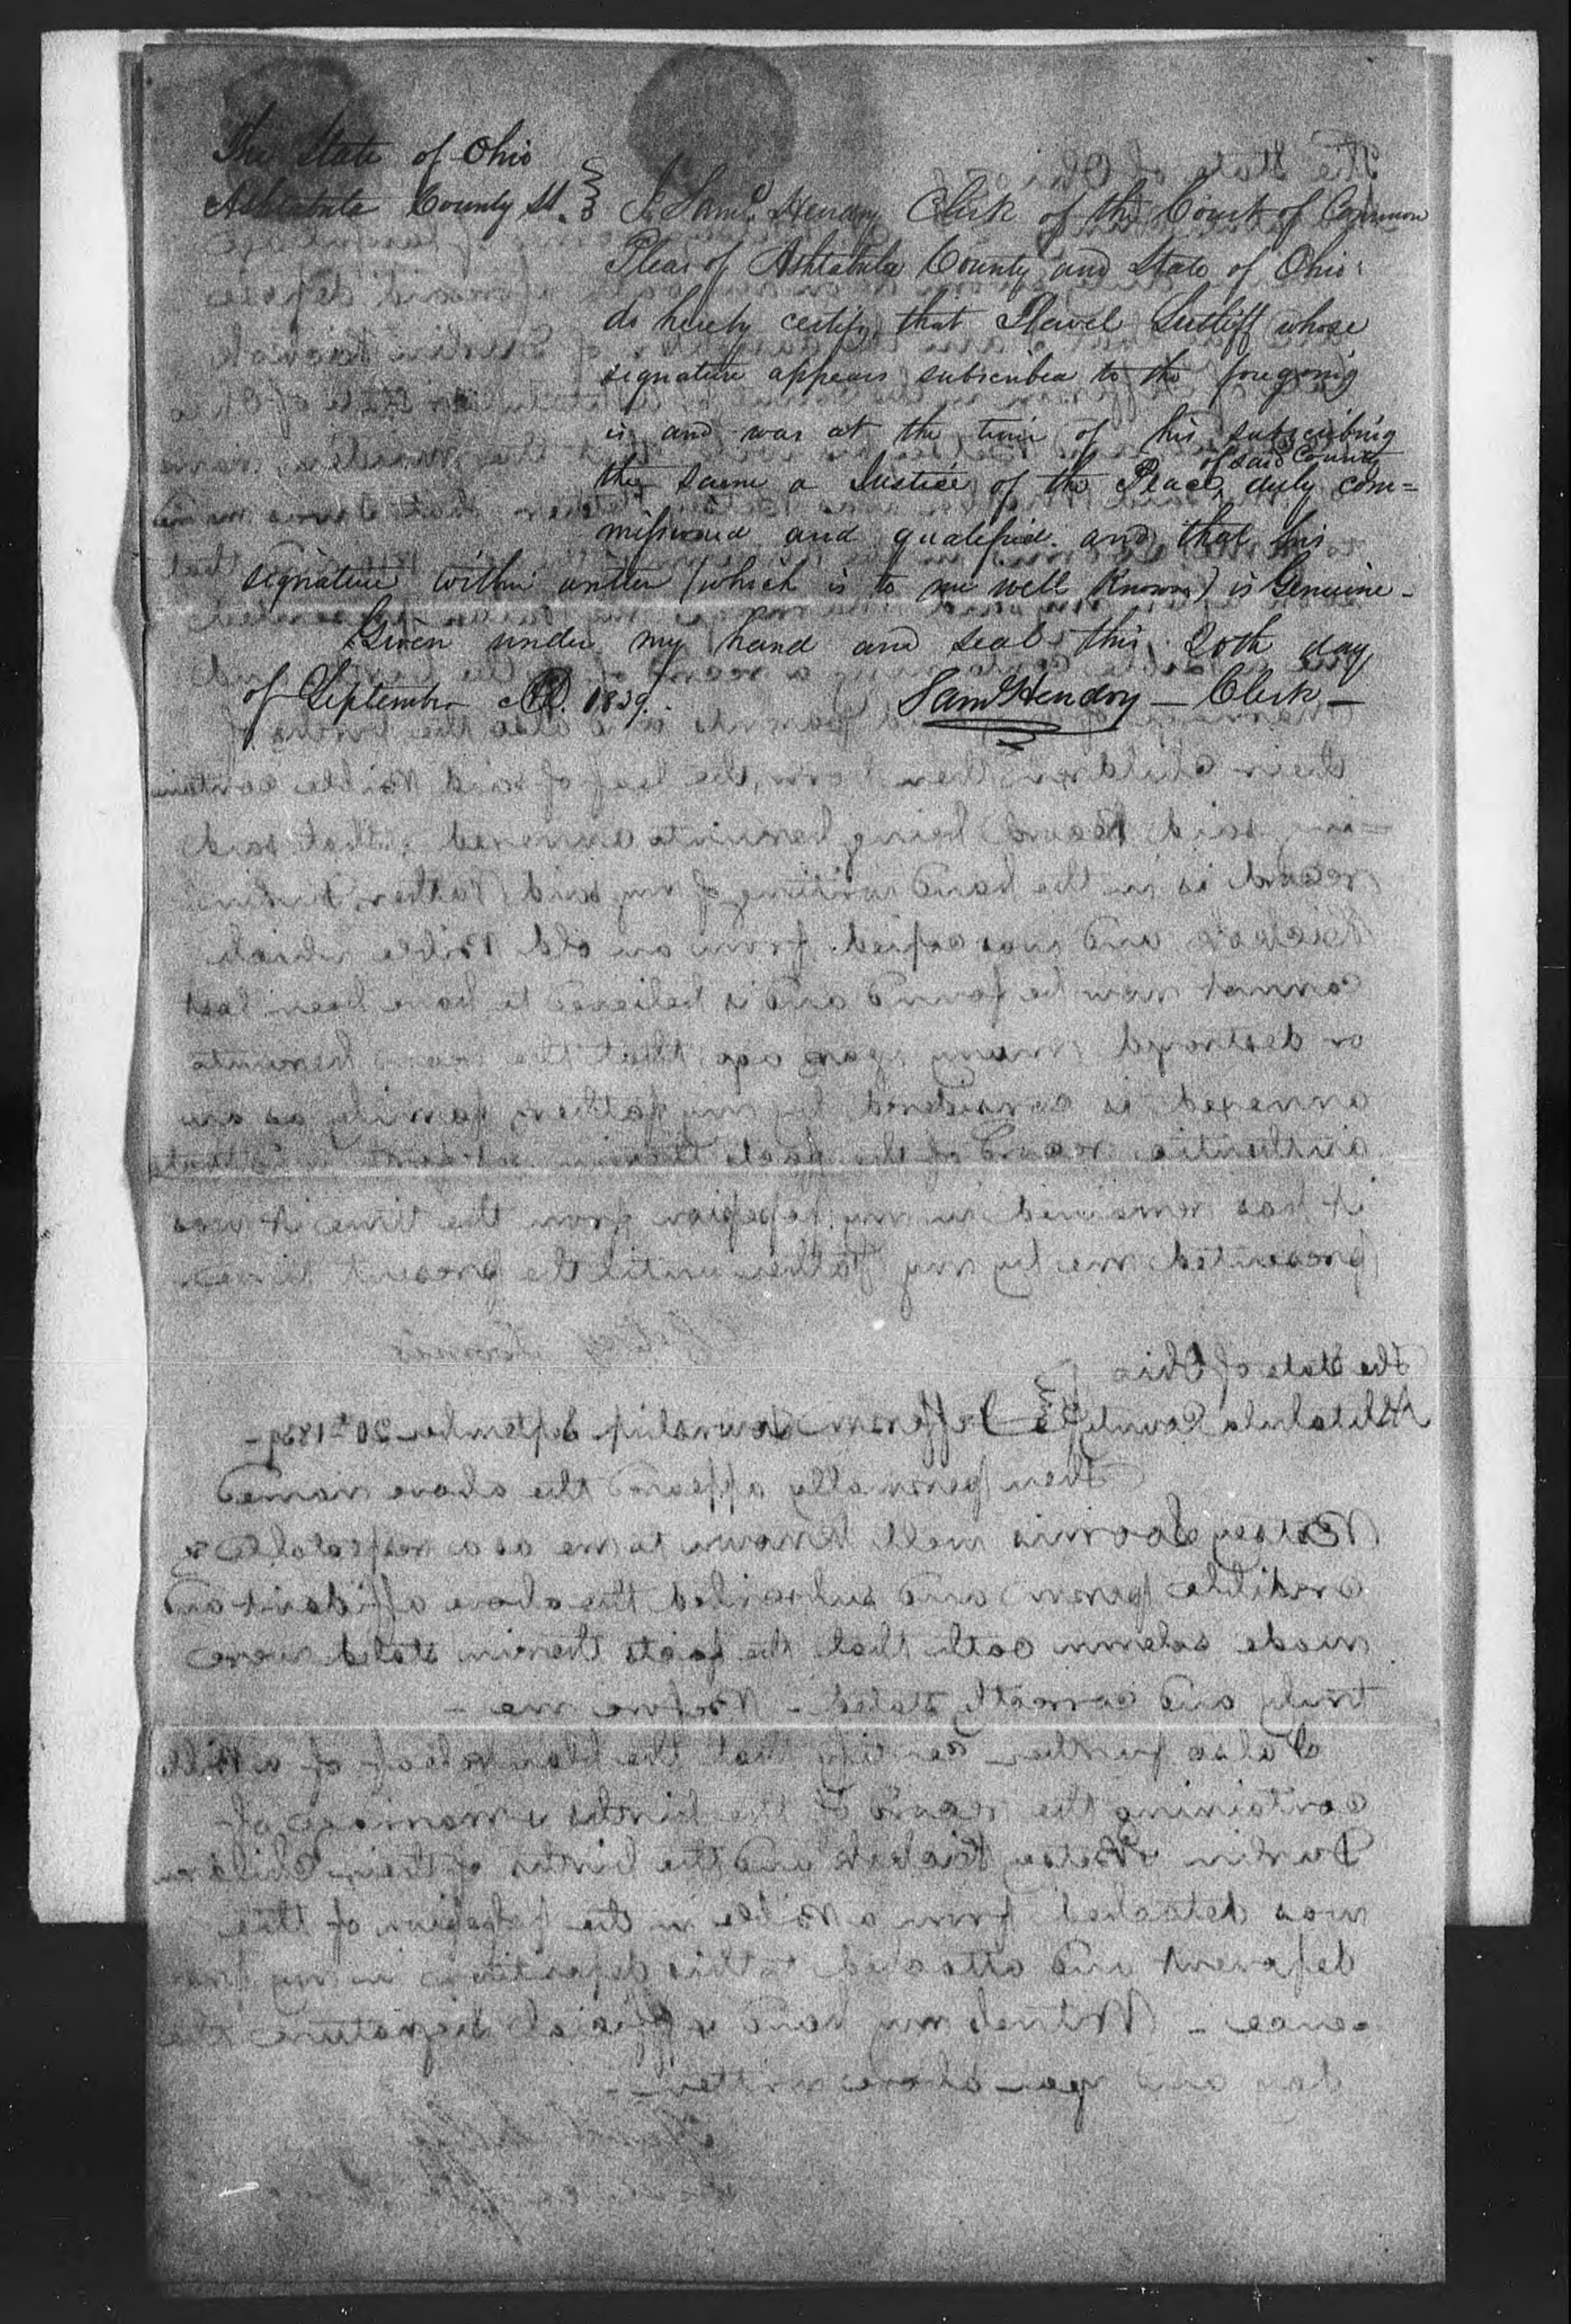The State of Ohio
Ashtabula County (illigible)    I Saml. Hendry Clerk of the Court of Common Pleas of Ashtabula County and State of Ohio
do hereby certify that Flavel Sutliff whose signature
appears subscribed to the foregoing is and was at the
time of his subscribing the same a Justice of the Peace of said
county, duly commissioned and qualified and that his
signature within written (which is to me well known) is genuine.
Given under my hand and seal this 20th day of
September AD 1829.
                                                 Saml. Hendry--Clerk--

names: Saml Hendry, Saml Hendry, Flavel Sutliff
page: 16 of 45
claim: widow's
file: W. 4988, Durlin Hickok, Mass.